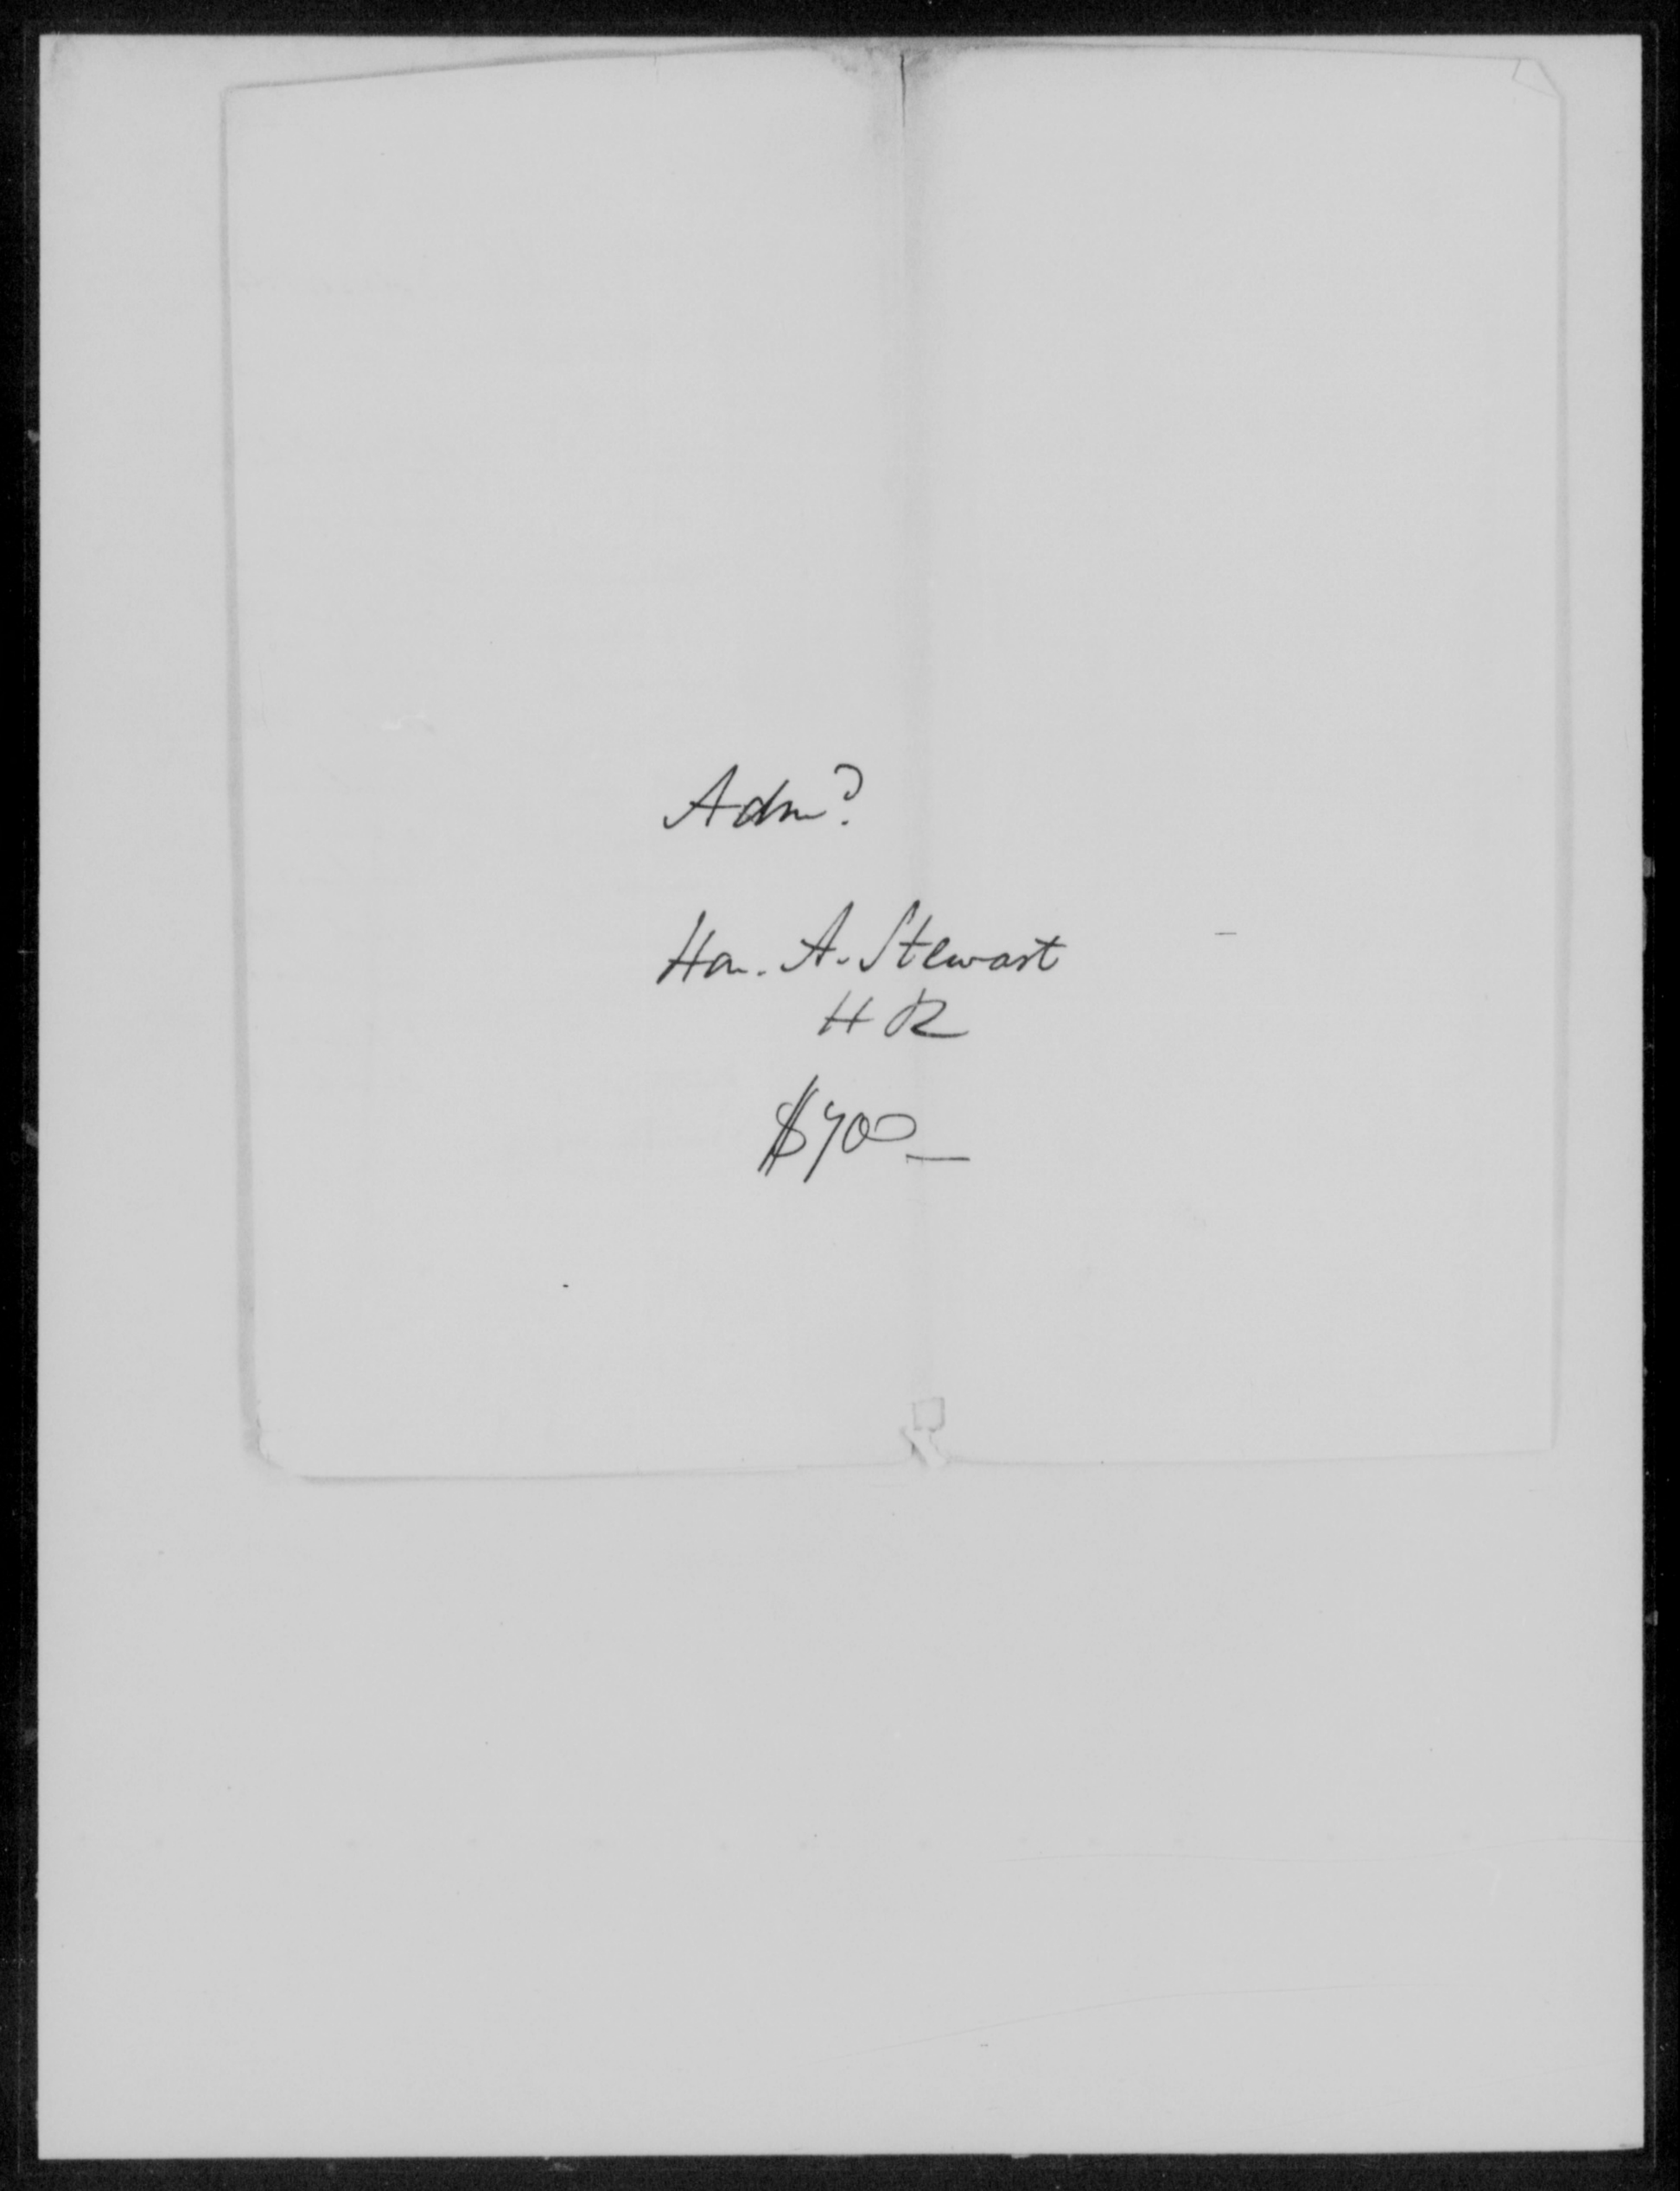Admd

Hon. A. Stewart
H R

$70--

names: A Stewart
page: 15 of 28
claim: survivor's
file: S. 6229, for Reuben Thorp, New Jersey